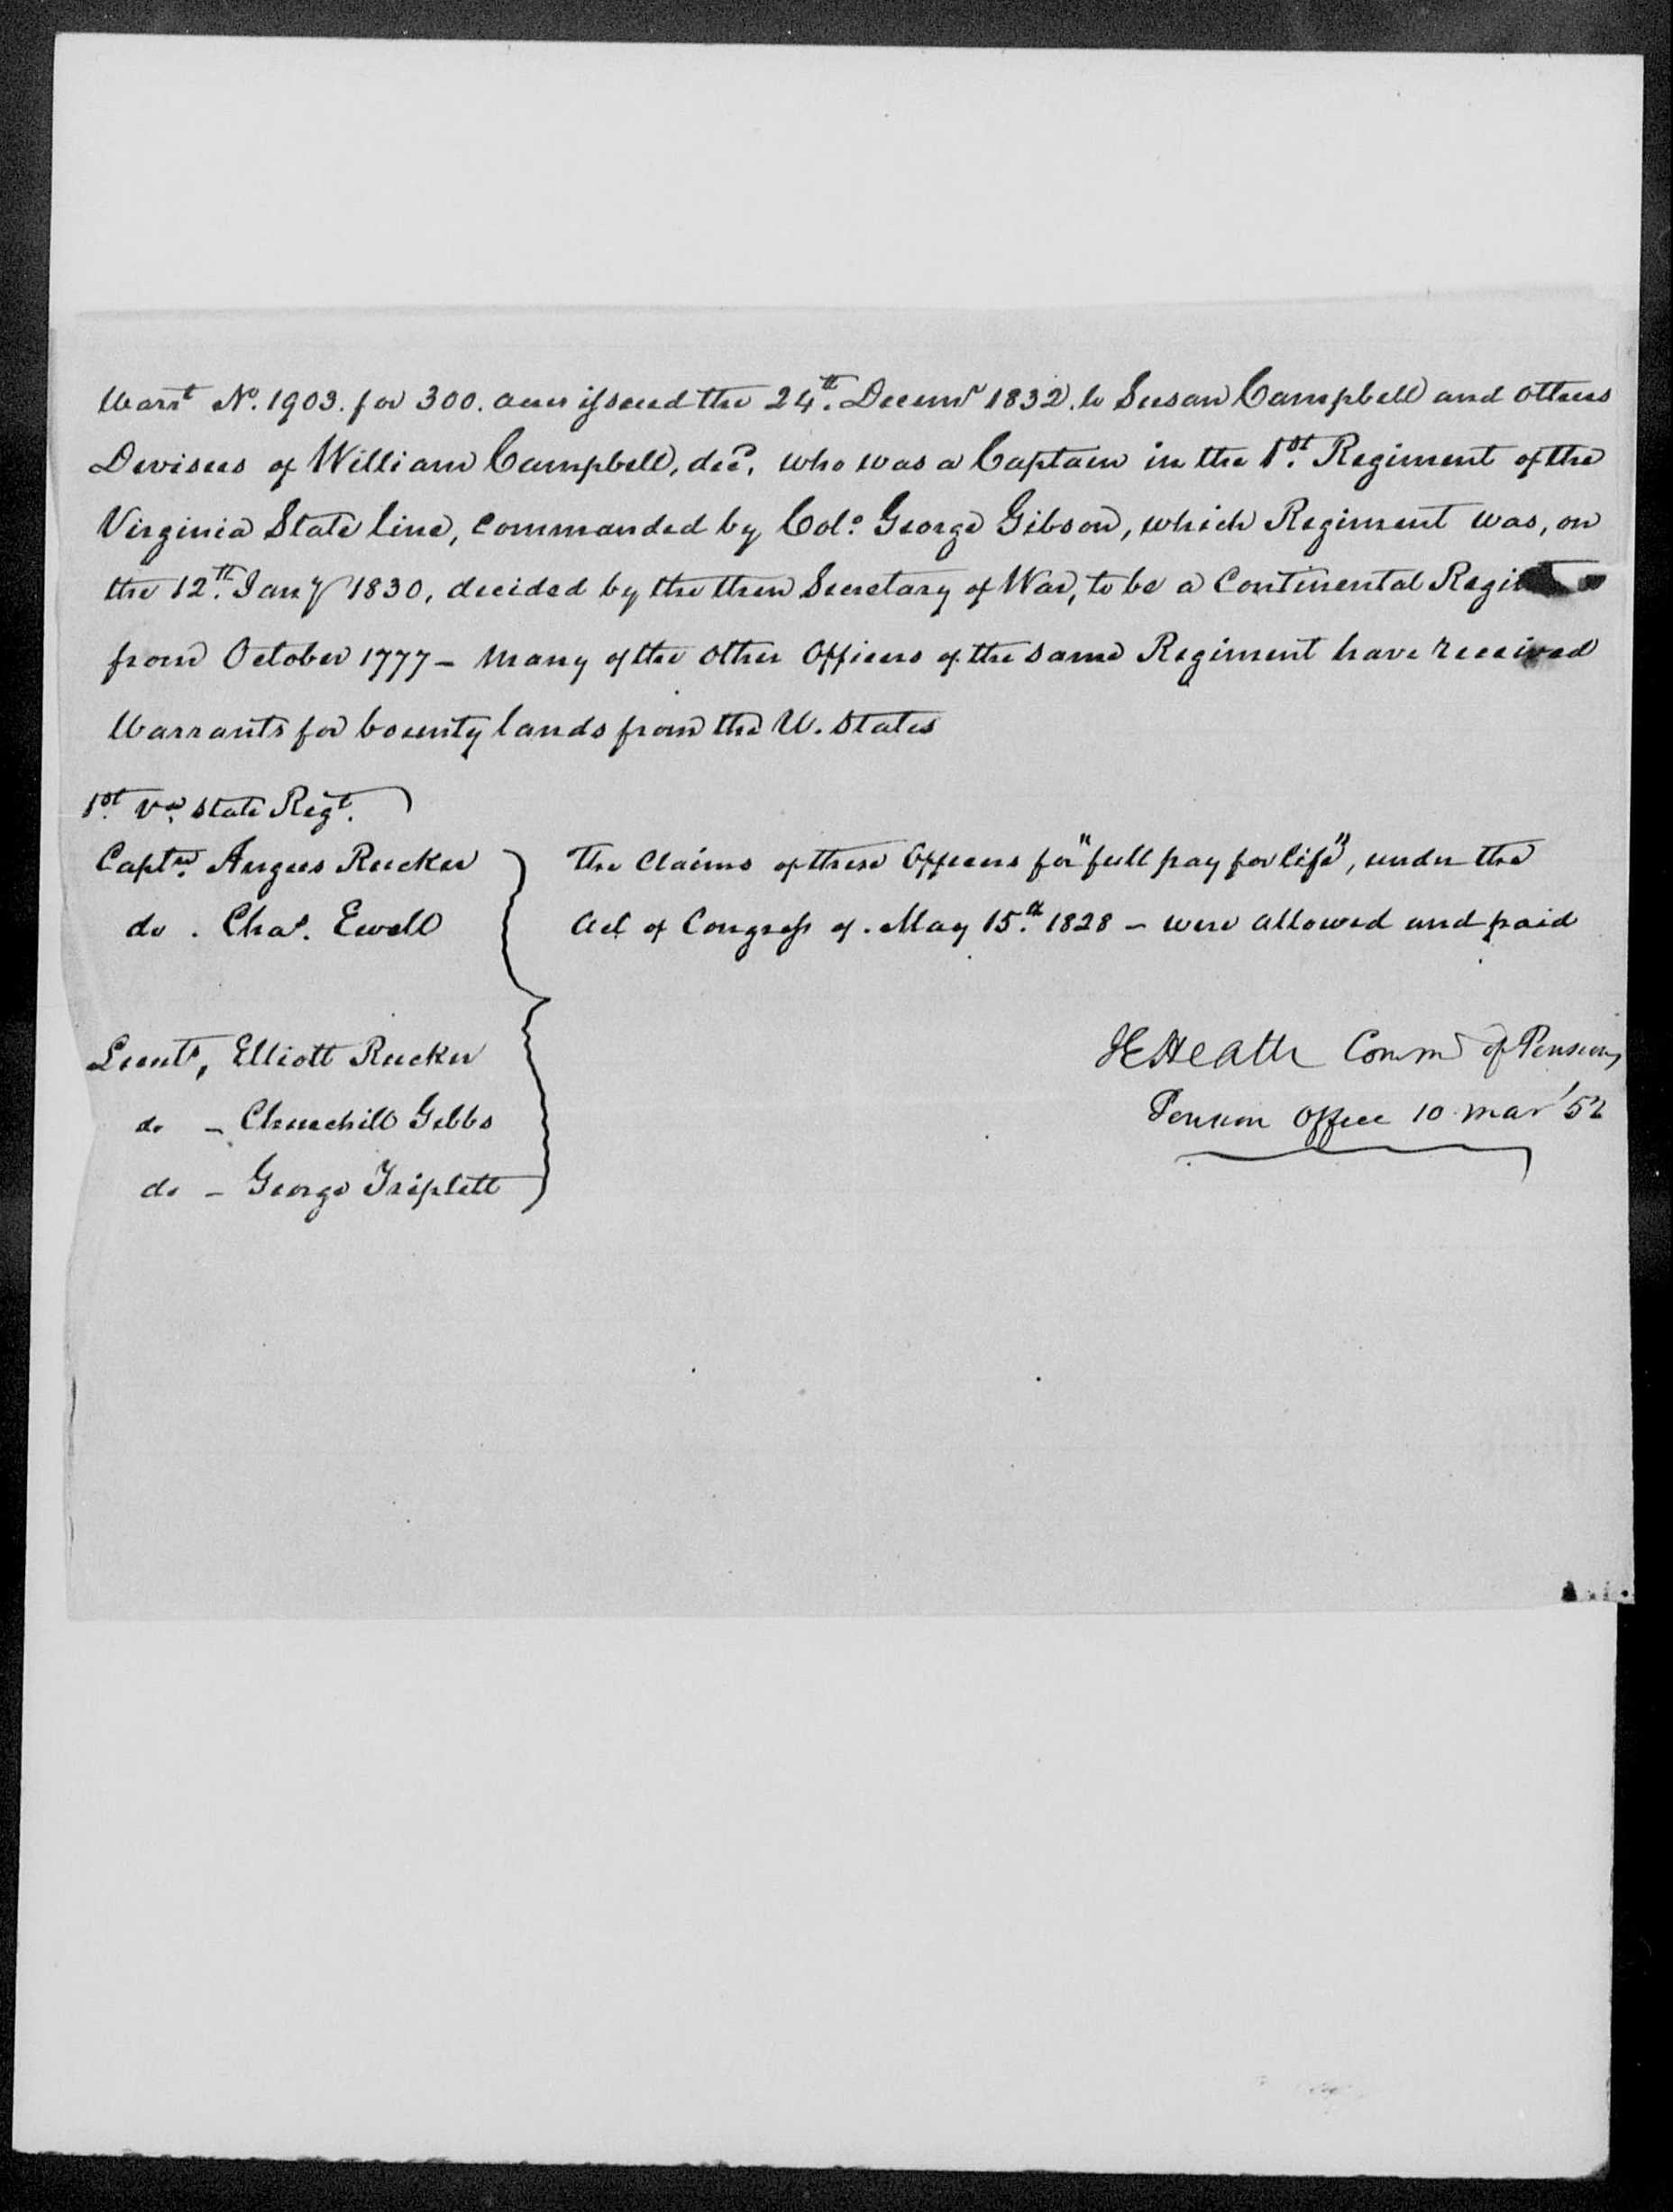Warrt No. 1903. for 300 acres issued the 24th. Decemr 1832. to Susan Campbell and others Devisees of William Campbell, decd. who was a Captain in the 1st Regiment of the Virginia State line, commanded by Colonel. George Gibson, which Regiment was,on the 12th. Jany 1830, decided by the then Secretary of War, to be a Continental Regimt from October 1777 __ many of the other Officers of the same Regiment have received Warrants for bounty lands from the U. States


The claims of these Officers for "full pay for life", under the Act of Congress of May 15th. 1828 __ was allowed and paid

1st Va. State Regt.
Captn. Augus Rucker
  do.[ditto] Chas. Ewell

Lieuts, Elliott Rucker
   do  __ Churchill Gibbs
   do  __ George Triplett

JE Heath Comm of Pensions
Pension Office 10 Mar '52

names: J E Heath, Susan Campbell, Elliott Rucker, Augus Rucker, Churchill Gibbs, George Gibson, George Triplett, William Campbell, Chas Ewell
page: 20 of 267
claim: widow's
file: W. 4,149, William Campbell, Va.